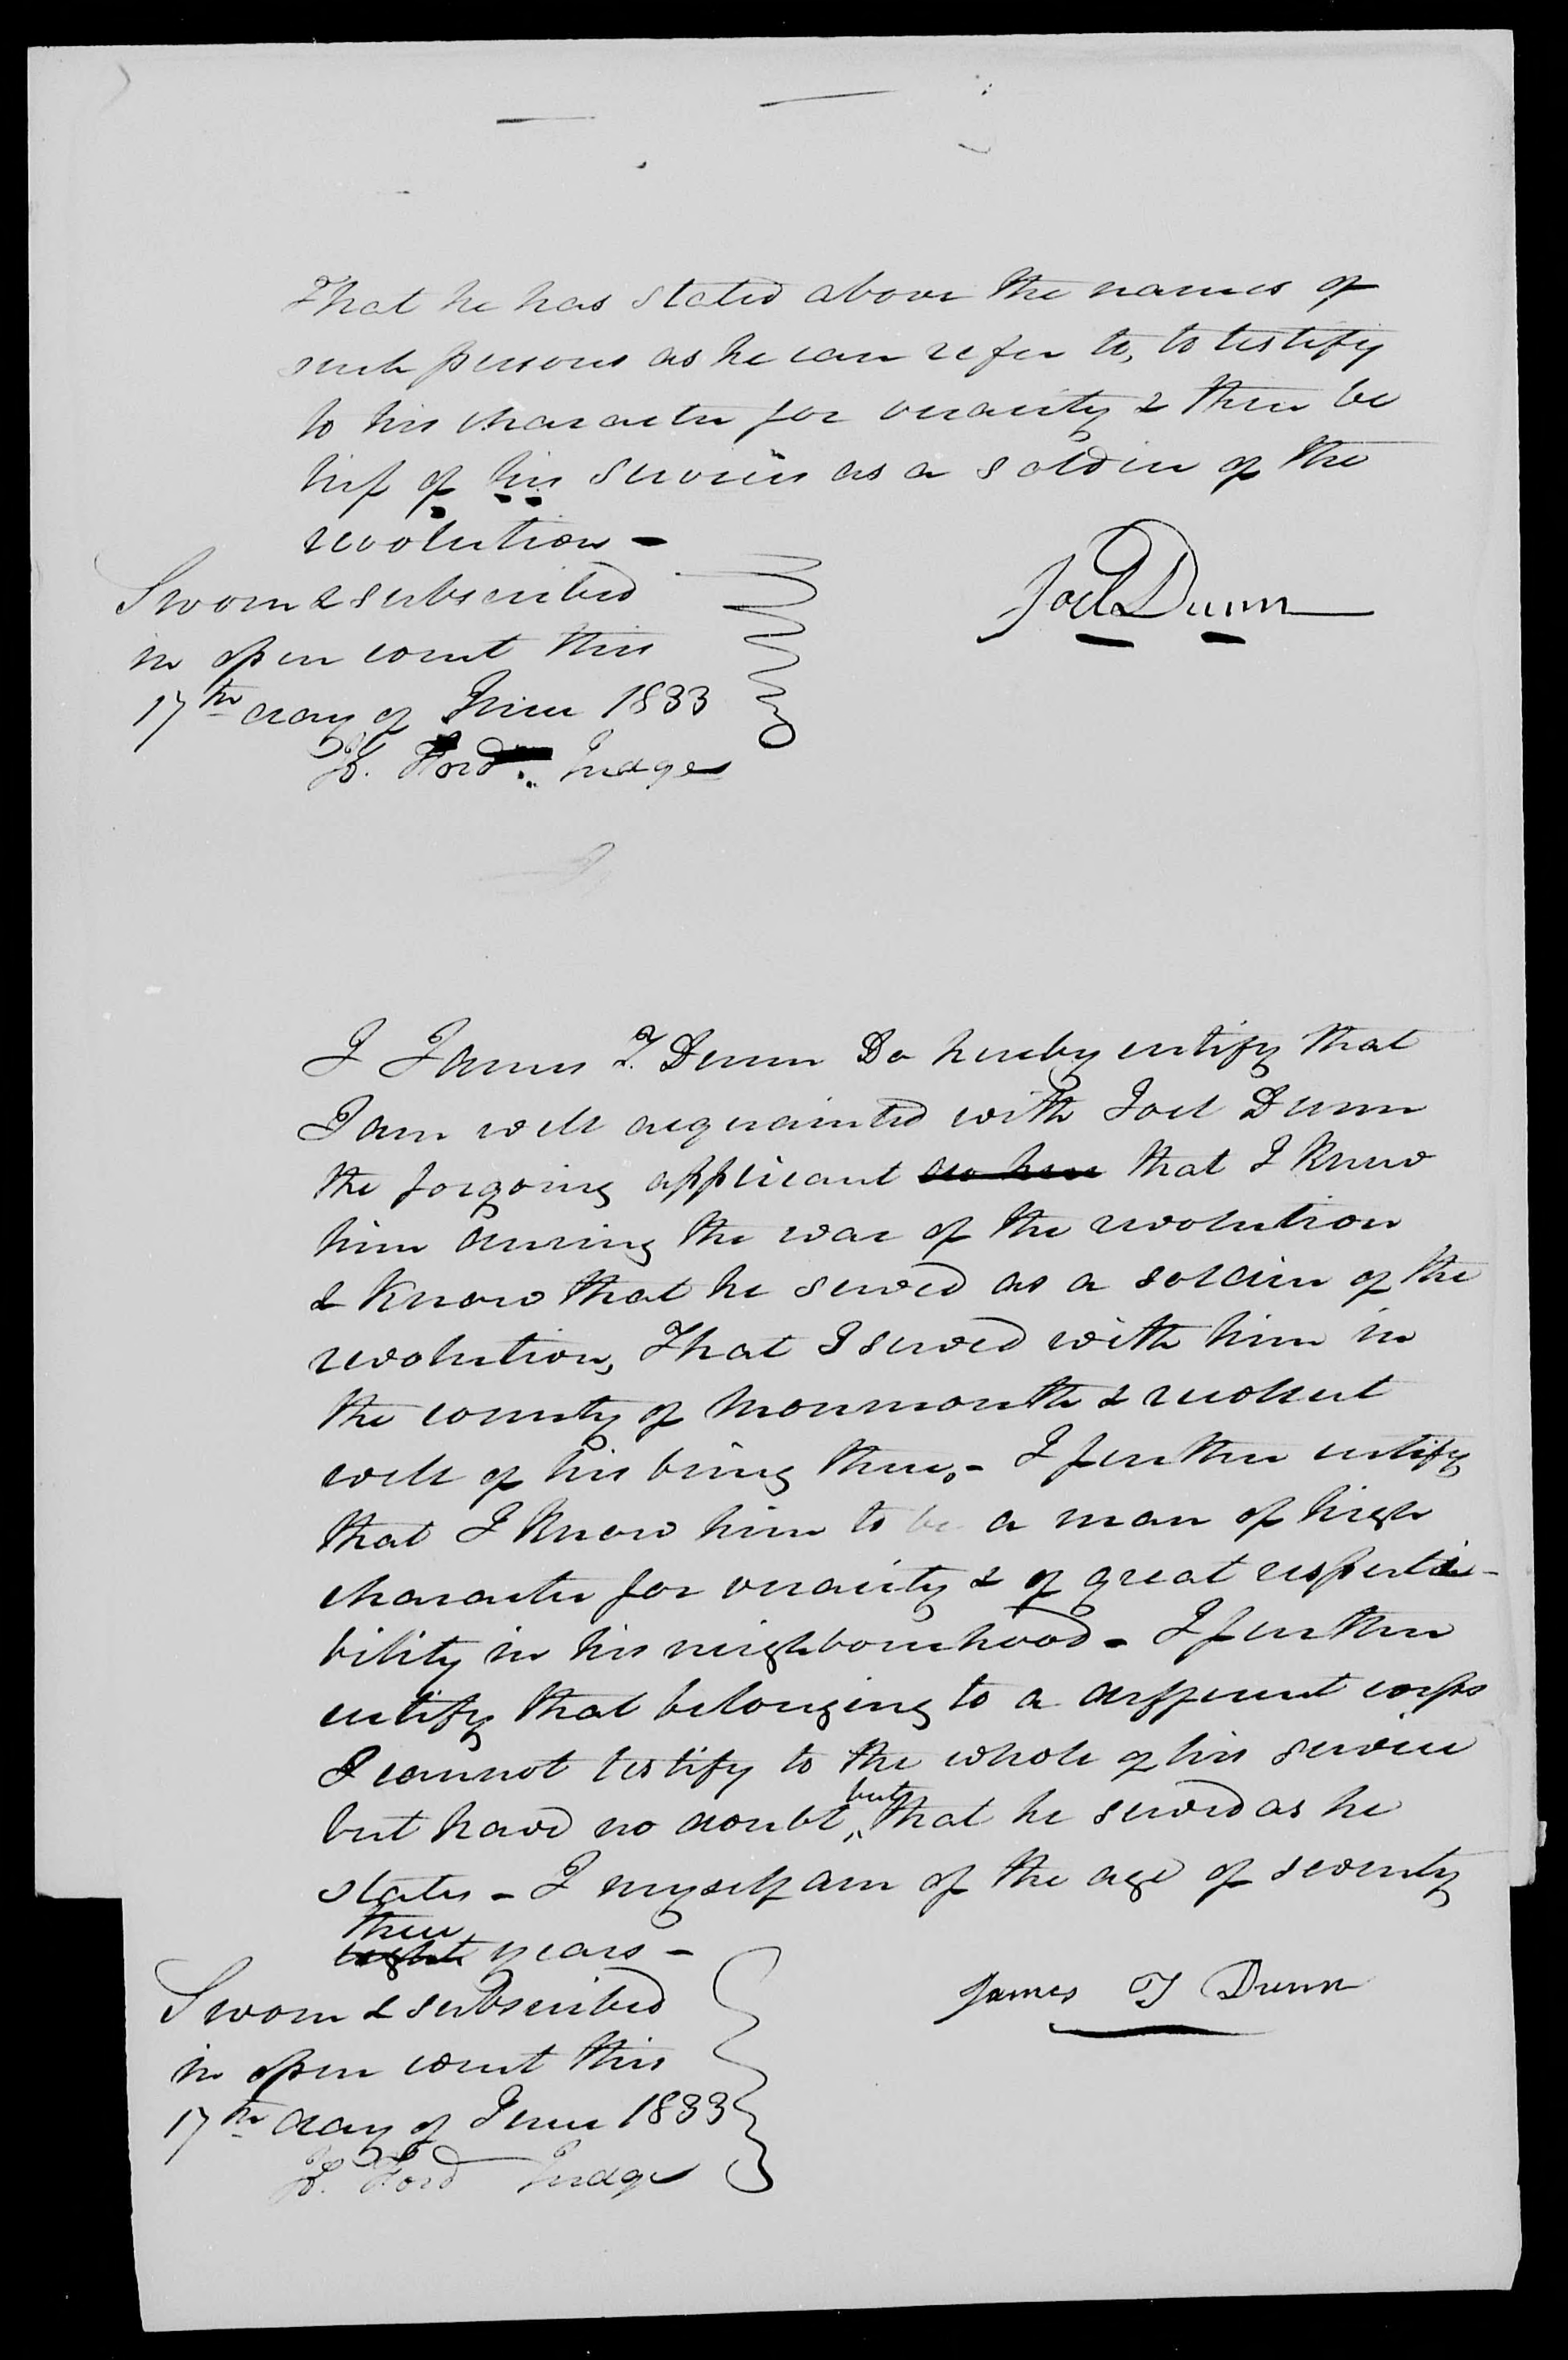That he has stated above the names of such persons as he can refer to, to testify to his character for veracity & their belief of his services as a soldier of the revolution. [signed] Joel Dunn
Sworn & subscribed in open court this 17th day of June 1833 [signed] H. Ford Judge
I James T. Dunn Do hereby certify that I am well acquainted with Joel Dunn the forgoing applicant [two words crossed out] that I knew him during the war of the revolution & know that he served as a soldier of the revolution, That I served with him in the county of Monmouth & recollect well of his being there. I further certify that I know him to be a man of high character for veracity & of great respectability in his neighbourhood. I further certify that belonging to a different corps I cannot testify to the whole of his services but have no doubt but that he served as he states. I myself am of the age of seventy three years.  [signed] James T Dunn
Sworn & subscribed in open court this 17th day of June 1833 [signed] H. Ford Judge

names: H Ford, James T Dunn, Joel Dunn, H Ford, Joel Dunn, James T Dunn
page: 11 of 52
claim: widow's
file: W. 919, Joel Dunn, New Jersey